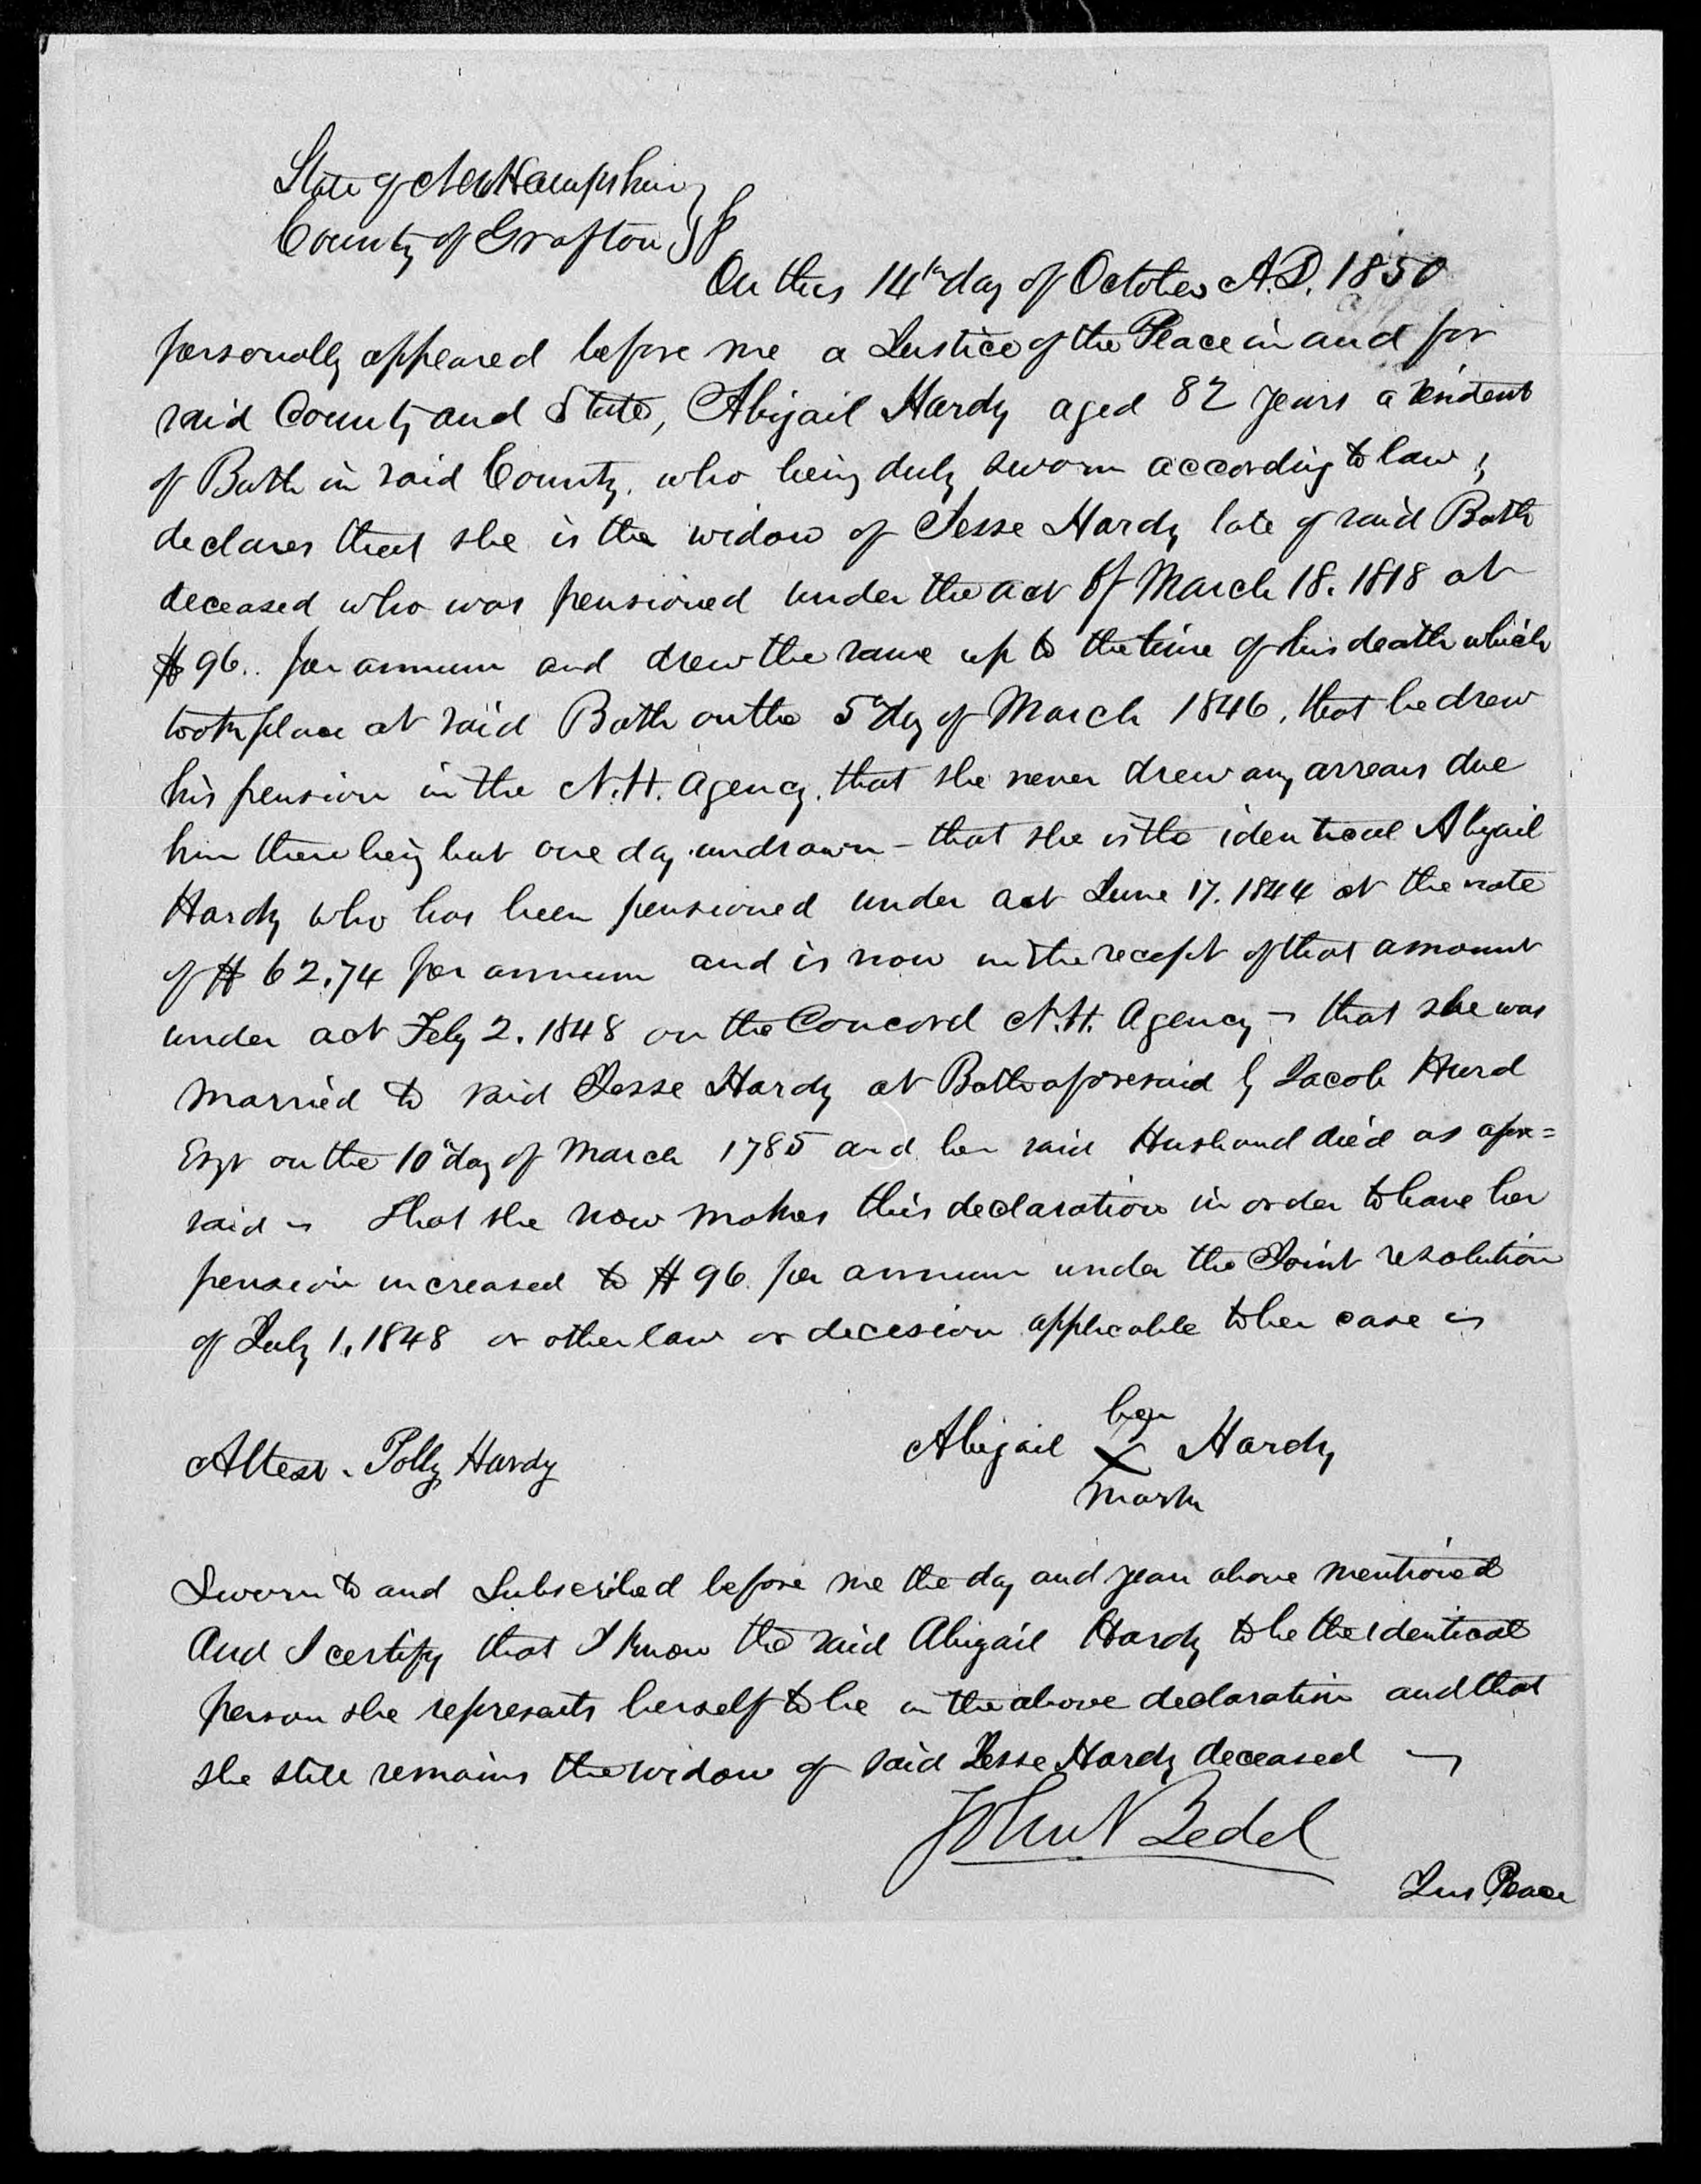State of New Hampshire County of Grafton SS
On this 14th day of October A.D. 1850 personally appeared before me a Justice of the Peace in and for said County and State, Abigail Hardy aged 82 years a resident of Bath in said County, who being duly sworn according to law; declares that she is the widow of Jesse Hardy late of said Bath deceased who was pensioned under the act of March 18, 1818 at $96 per annum and drew the same up to the time of his death which took place at said Bath on the 5 day of March 1846, that he drew his pension in the N. H. Agency that she never drew any arrears due him there being but one day undrawn that she is the identical Abigail Hardy who has been pensioned under act June 17, 1844 at the rate of 62.74 for annum and is now in the receipt of that amount under act Feb 2. 1848 on the Concord NH Agency- that she was married to said Jesse Hardy at Bath aforesaid Jacob Hurd Esqr on the 10th day of March 1785 and her said Husband died as aforesaid that she now makes this declaration in order to have her pension increased to $96 per annum under the joint resolution of July 1, 1848 or other law or decision applicable to her case is Attest, Polly Hardy Abigail her X Mark Hardy 
Sworn to and subscribed before me the day and year above mentioned and I certify that I know the said Abigail Hardy to be the identical person she represents herself to be in the above declaration and that she shall remains the widow of said Jesse Hardy deceased John Bedel Jus Peace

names: Jesse Hardy, John Bedel, Jesse Hardy, Abigail Hardy, Abigail Hardy, Polly Hardy, Abigail Hardy, Abigail Hardy, Jesse Hardy, Jacob Hurd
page: 63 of 67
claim: widow's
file: W. 23183, Jesse Hardy, Mass.